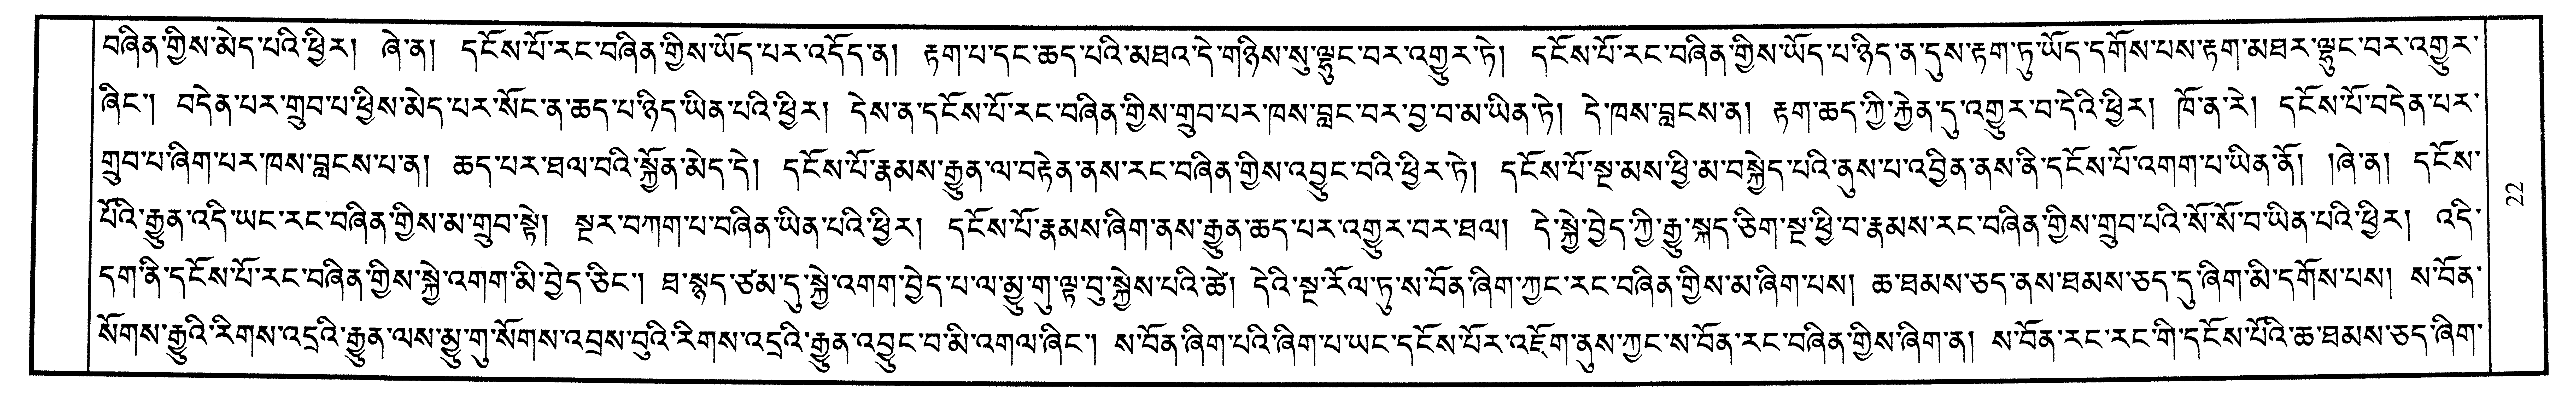བཞིན་གྱིས་མེད་པའི་ཕྱིར། ཞེ་ན། དངོས་པོ་རང་བཞིན་གྱིས་ཡོད་པར་འདོད་ན། རྟག་པ་དང་ཆད་པའི་མཐའ་དེ་གཉིས་སུ་ལྷུང་བར་འགྱུར་ཏེ། དངོས་པོ་རང་བཞིན་གྱིས་ཡོད་པ་ཉིད་ན་དུས་རྟག་ཏུ་ཡོད་དགོས་པས་རྟག་མཐར་ལྷུང་བར་འགྱུར་
ཞིང་། བདེན་པར་གྲུབ་པ་ཕྱིས་མེད་པར་སོང་ན་ཆད་པ་ཉིད་ཡིན་པའི་ཕྱིར། དེས་ན་དངོས་པོ་རང་བཞིན་གྱིས་གྲུབ་པར་ཁས་བླང་བར་བྱ་བ་མ་ཡིན་ཏེ། དེ་ཁས་བླངས་ན། རྟག་ཆད་ཀྱི་རྐྱེན་དུ་འགྱུར་བ་དེའི་ཕྱིར། ཁོ་ན་རེ། དངོས་པོ་བདེན་པར་
གྲུབ་པ་ཞིག་པར་ཁས་བླངས་པ་ན། ཆད་པར་ཐལ་བའི་སྐྱོན་མེད་དེ། དངོས་པོ་རྣམས་རྒྱུན་ལ་བརྟེན་ནས་རང་བཞིན་གྱིས་འབྱུང་བའི་ཕྱིར་ཏེ། དངོས་པོ་སྔ་མས་ཕྱི་མ་བསྐྱེད་པའི་ནུས་པ་འབྱིན་ནས་ནི་དངོས་པོ་འགག་པ་ཡིན་ནོ། །ཞེ་ན། དངོས་
པོའི་རྒྱུན་འདི་ཡང་རང་བཞིན་གྱིས་མ་གྲུབ་སྟེ། སྔར་བཀག་པ་བཞིན་ཡིན་པའི་ཕྱིར། དངོས་པོ་རྣམས་ཞིག་ནས་རྒྱུན་ཆད་པར་འགྱུར་བར་ཐལ། དེ་སྐྱེ་བྱེད་ཀྱི་རྒྱུ་སྐད་ཅིག་སྔ་ཕྱི་བ་རྣམས་རང་བཞིན་གྱིས་གྲུབ་པའི་སོ་སོ་བ་ཡིན་པའི་ཕྱིར། འདི་
དག་ནི་དངོས་པོ་རང་བཞིན་གྱིས་སྐྱེ་འགག་མི་བྱེད་ཅིང་། ཐ་སྙད་ཙམ་དུ་སྐྱེ་འགག་བྱེད་པ་ལ་མྱུ་གུ་ལྟ་བུ་སྐྱེས་པའི་ཚེ། དེའི་སྔ་རོལ་ཏུ་ས་བོན་ཞིག་ཀྱང་རང་བཞིན་གྱིས་མ་ཞིག་པས། ཆ་ཐམས་ཅད་ནས་ཐམས་ཅད་དུ་ཞིག་མི་དགོས་པས། ས་བོན་
སོགས་རྒྱུའི་རིགས་འདྲའི་རྒྱུན་ལས་མྱུ་གུ་སོགས་འབྲས་བུའི་རིགས་འདྲའི་རྒྱུན་འབྱུང་བ་མི་འགལ་ཞིང་། ས་བོན་ཞིག་པའི་ཞིག་པ་ཡང་དངོས་པོར་འཇོག་ནུས་ཀྱང་ས་བོན་རང་བཞིན་གྱིས་ཞིག་ན། ས་བོན་རང་རང་གི་དངོས་པོའི་ཆ་ཐམས་ཅད་ཞིག་